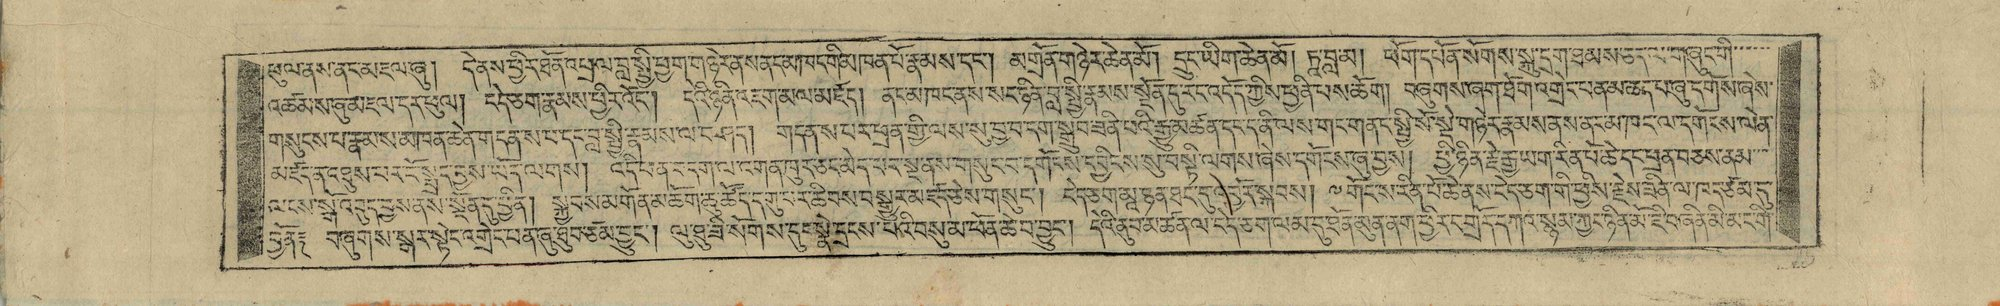ཕུལ་ནས་ནང་མཇལ་ཞུ། དེ་ནས་ཕྱིར་ཐོན་འཕྲལ་བླ་སྤྱི་ཕྱག་གཉེར་ནས་ནང་མ་ཁང་གི་མཁན་པོ་རྣམས་དང་། མགྲོན་གཉེར་ཆེན་མོ། དྲུང་ཡིག་ཆེན་མོ། ཏཱ་བླ་མ། ཕོག་དཔོན་སོགས་སྐུ་དྲག་ཐམས་ཅད་ལ་གཞུང་གི་
འཚམས་ཞུ་མཇལ་དར་ཕུལ། ངེད་ཅག་རྣམས་ཕྱིར་འོང་། དེའི་ཉིན་འཇག་མལ་མཛད། ནང་མ་ཁང་ནས་སང་ཉིན་བླ་སྤྱི་རྣམས་སྔོན་དུ་རང་འདོད་ཀྱིས་ཕྱིན་པས་ཆོག །བཞུགས་ཞག་ཐོག་འགྲེང་པན་མ་ཆད་པ་ཞུ་དགོས་ཞེས་
གསུངས་པ་རྣམས་མཁན་ཆེན་གདན་ས་པ་དང་བླ་སྤྱི་རྣམས་ལ་བཤད། གདན་ས་པར་ཕྲན་གྱི་ལས་སུ་བྱ་བ་དག་སྒྲུབ་ཟིན་པའི་རྒྱུ་མཚན་དང་ད་ནི་ལས་གང་གནང་སྤྱི་སོ་སྡེ་གཉེར་རྣམས་ནས་ནང་མ་ཁང་ལ་དགོངས་ལེན་
མཛད་ན་འཐུས་པར་ངོ་སྤྲད་བྱས་ཡོད་ལགས། འདི་ཕན་བདག་ལ་འགན་ཁུར་ཅང་མེད་པར་སྔ་ནས་གསུང་བ་དགོངས་དབྱིངས་སུ་བསྟི་ལགས་ཞེས་དགོངས་ཞུ་བྱས། ཕྱི་ཉིན་རྗེ་རྒྱ་ཡག་རིན་པོ་ཆེ་དང་ཕྲན་བཅས་ནམ་
ལངས་སྒོ་འབུད་བྱས་ནས་སྔོན་དུ་ཕྱིན། སྐྱབས་མགོན་མཆོག་ཆུ་ཚོད་དགུ་པར་ཆིབས་བསྒྱུར་མཛད་ཅེས་གསུང་། ངེད་ཅག་མཱ་ཉན་ཐང་དུ་འབྱོར་སྐབས། ༧གོང་ས་རིན་པོ་ཆེ་ནས་ངེད་ཅག་གི་ཕྱིས་རྗེས་ཟིན་ལ་ཁད་ཙམ་དུ་
བྱོན༑ བཞུགས་སྒར་སྟེང་འགྲེང་པན་ཞུ་ཐུབ་ཙམ་བྱུང་། ལུ་ཐུ་ཟི་སོགས་དུང་སྣེ་དྲངས་པའི་བསུ་མ་ཕོན་ཆེ་བ་བྱུང་། དེའི་ནུབ་མཚན་ལ་ངེད་ཅག་ལམ་དུ་ཐོན་མུན་ནག་ཕྱིར་བགྲོད་དཀའ་སྙམ་ཀྱང་ཉིན་མོ་ཇི་བཞིན་མི་མང་གི་